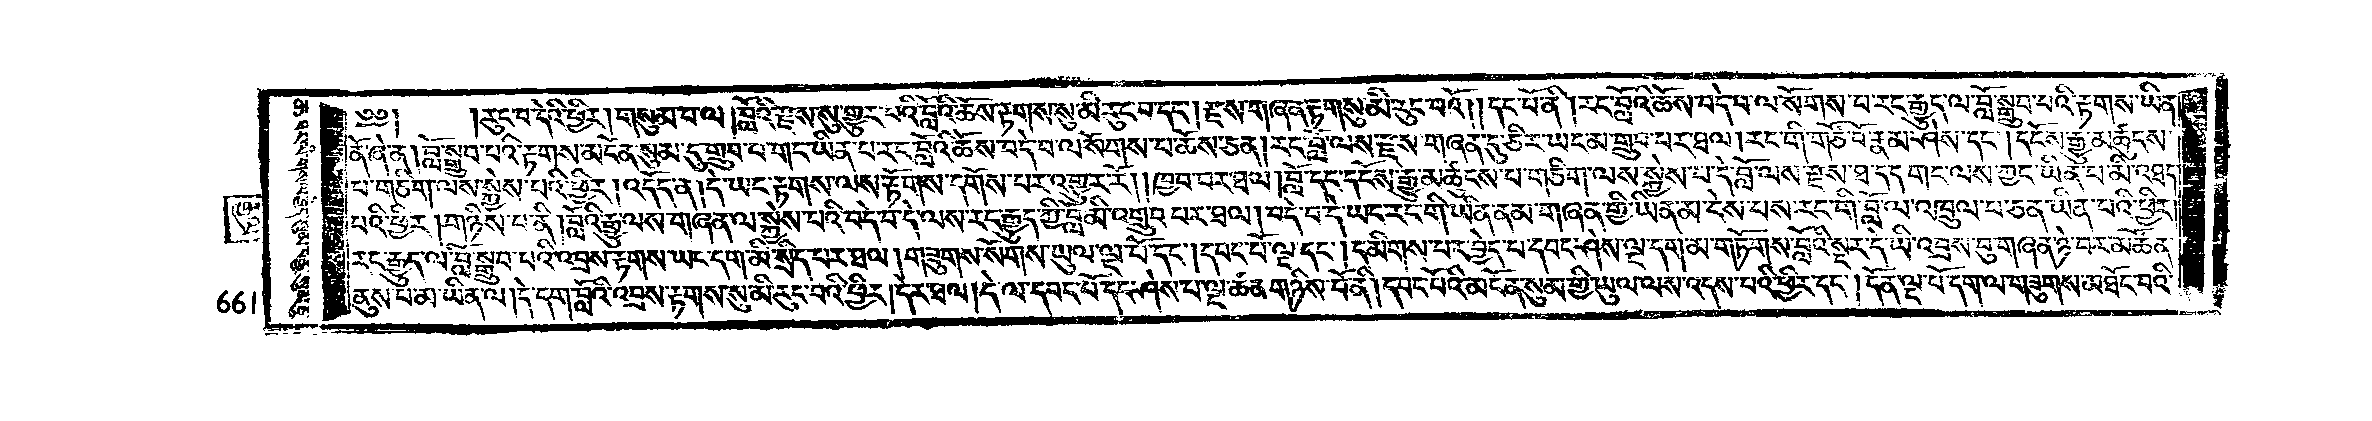༄༅། །རུང་བ་དེའི་ཕྱིར། གསུམ་པ་ལ། བློའི་རྫས་སུ་གྱུར་པའི་བློའི་ཆོས་རྟགས་སུ་མི་རུང་བ་དང་། རྫས་གཞན་རྟགས་སུ་མི་རུང་བའོ། །དང་པོ་ནི། རང་བློའི་ཆོས་བདེ་བ་ལ་སོགས་པ་རང་རྒྱུད་ལ་བློ་སྒྲུབ་པའི་རྟགས་ཡིན་
ནོ་ཞེ་ན། བློ་སྒྲུབ་པའི་རྟགས་མངོན་སུམ་དུ་གྲུབ་པ་གང་ཡིན་པ་རང་བློའི་ཆོས་བདེ་བ་ལ་སོགས་པ་ཆོས་ཅན། རང་བློ་ལས་རྫས་གཞན་དུ་ཙར་ཡང་མ་གྲུབ་པར་ཐལ། རང་གི་གཙོ་བོ་རྣམ་ཤེས་དང་། དངོས་རྒྱུ་མཚུངས་
པ་གཅིག་ལས་སྐྱེས་པའི་ཕྱིར། འདོད་ན། དེ་ཡང་རྟགས་ལས་རྟོགས་དགོས་པར་འགྱུར་རོ། །ཁྱབ་པར་ཐལ། བློ་དང་དངོས་རྒྱུ་མཚུངས་པ་གཅིག་ལས་སྐྱེས་པ་དེ་བློ་ལས་རྫས་ཐ་དད་གང་ལས་ཀྱང་ཡིན་པ་མི་འཐད་
པའི་ཕྱིར། གཉིས་པ་ནི། བློའི་རྒྱུ་ལས་གཞན་ལ་སྐྱེས་པའི་བདེ་བ་དེ་ལས་རང་རྒྱུད་ཀྱི་བློ་མི་འགྲུབ་པར་ཐལ། བདེ་བ་དེ་ཡང་རང་གི་ཡིན་ནམ་གཞན་གྱི་ཡིན་མ་ངེས་པས་རང་གི་བློ་ལ་འཁྲུལ་པ་ཅན་ཡིན་པའི་ཕྱིར།
རང་རྒྱུད་ལ་བློ་སྒྲུབ་པའི་འབྲས་རྟགས་ཡང་དག་མི་སྲིད་པར་ཐལ། གཟུགས་སོགས་ཡུལ་ལྔ་པོ་དང་། དབང་པོ་ལྔ་དང་། དམིགས་པར་བྱེད་པ་དབང་ཤེས་ལྔ་དག་མ་གཏོགས་བློའི་སྔར་དེ་ཡི་འབྲས་བུ་གཞན་ཉེ་བར་མཚོན་
ནུས་པ་མ་ཡིན་ལ། དེ་དག་བློའི་འབྲས་རྟགས་སུ་མི་རུང་བའི་ཕྱིར། དེར་ཐལ། དེ་ལ་དབང་པོ་དང་ཤེས་པ་ལྔ་ཚན་གཉིས་པོ་ནི། དབང་པོའི་མངོན་སུམ་གྱི་ཡུལ་ལས་འདས་པའི་ཕྱིར་དང་། དོན་ལྔ་པོ་དག་ལ་གཟུགས་མཐོང་བའི་